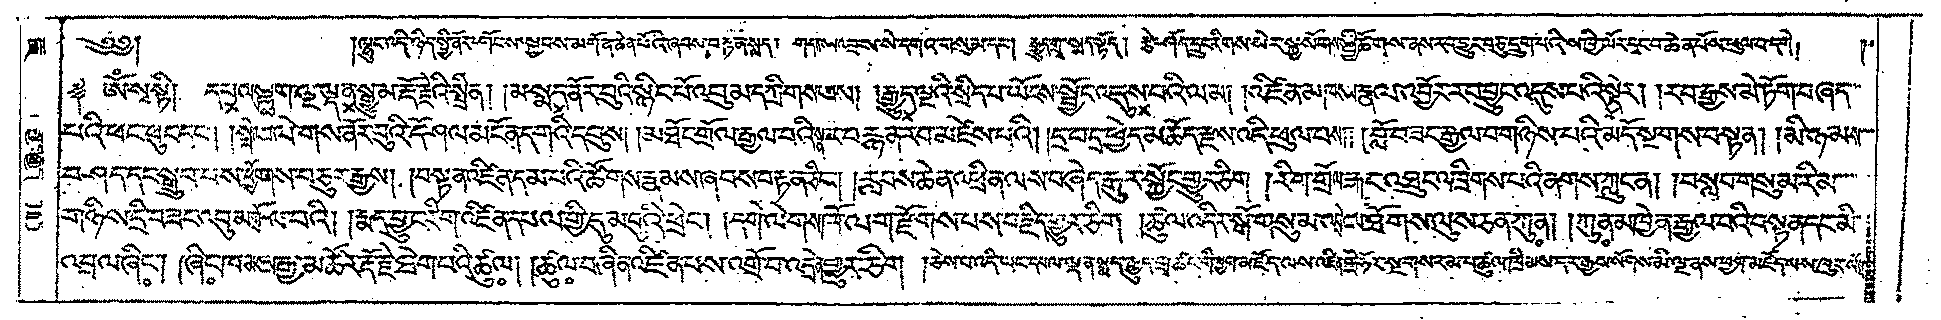༄༅། །ལྷུང་འདི་ཉིད་སྤྱི་ནོར་༧གོང་ས་༧སྐྱབས་མགོན་ཆེན་པོའི་ཞབས་བརྟན་སླད། གདན་ས་འབྲས་སེ་དགའ་གསུམ་དང་། རྒྱུད་གྲྭ་སྨད་སྟོད། རྩེ་ཤོད་དྲུང་རིགས་སེར་སྐྱ་སོགས་སྤྱི་ཚོགས་ནས་རབ་བྱུང་བཅུ་དྲུག་པའི་ས་ཁྱི་ལོར་དྭང་བ་ཆེན་པོས་ཕུལ་བ་དགེ། །།
༈ ཨོཾ་སྭསྟི། དཔལ྾་སྟུག་ལྔ་ལྡན྾་སྒྱུ་མ་རྡོ་རྗེའི་སྤྲིན། །མ་སྨད྾་ནོར་བུའི་སྙིང་པོ་འབུམ་དཀྲིགས་པས། །རྒྱུད྾་ལྔའི་སྲིད་པ་ཡོངས་སྦྱོང་འདུས྾་པའི་ལམ། །འཛིན་མཁས་རྣལ་འབྱོར་རབ་བྱུང་འདུས་པའི་སྡེར་྾། །རབ་རྒྱས་མེ་ཏོག་བཞད་
པའི་ཕང་ཕུང་དང་། །སྤེལ་ལེགས་ནོར་བུའི་དོ་ཤལ་མངོན་དགའི་དབུས། །མཐོང་གྲོལ་རྒྱལ་བའི་སྣང་བརྙན་རབ་མཛེས་པའི། །དྲ་བ་དྲ་ཕྱེད་མཆོད་རྫས་འདི་ཕུལ་བས། །བློ་བཟང་རྒྱལ་བ་གཉིས་པའི་མདོ་སྔགས་བསྟན། །མི་ཉམས་
བཤད་དང་སྒྲུབ་པས་ཕྱོགས་བཅུར་རྒྱས། །བསྟན་འཛིན་དམ་པའི་ཚོགས་རྣམས་ཞབས་བརྟན་ཅིང་། །རླབས་ཆེན་འཕྲིན་ལས་བཞེད་རྒུར་སྐྱོང་གྱུར་ཅིག །རིག་གྲོལ་རྐང་འཐུང་འཁྲིགས་པའི་ནགས་ཀླུང་ན། །བསླབ་གསུམ་རིམ་
གཉིས་དྲི་བཟང་འབུམ་གྲོལ་བའི། །རྨད་བྱུང་རིག་འཛིན་དཔལ་གྱི་དུམ་བུའི་ཕྲེང་། །དགེ་ལེགས་ཁོ་ལག་རྫོགས་པས་བརྗིད་གྱུར་ཅིག །ཚུལ་འདིར་སྒོ་གསུམ་འབྲེལ་ཐོགས་ལུས་ཅན་ཀུན྾། །ཀུན྾་མཁྱེན་རྒྱལ་བའི་བསྟན་དང་མི་
འབྲལ་ཞིང྾། །ཞིང྾་ཁམས་རྒྱ་མཚོར་རྡོ་རྗེ་ཐེག་པའི་ཚུལ྾། །ཚུལ྾་བཞིན་འཛིན་པས་འགྲོ་བ་འདྲེན་གྱུར་ཅིག །ཅེས་པ་འདི་ཡང་དཔལ་ལྡན་སྨད་རྒྱུད་གྲྭ་ཚང་གི་ཕྱག་མཛོད་ལས་འཛིན་ཏྲེ་ཧོར་སྔགས་རམ་པ་ཚུལ་ཁྲིམས་དར་རྒྱས་སོགས་མི་ལྔ་ནས་ཕྱག་མཛོད་ལས་ཁུར་ལོ་ལྔ་